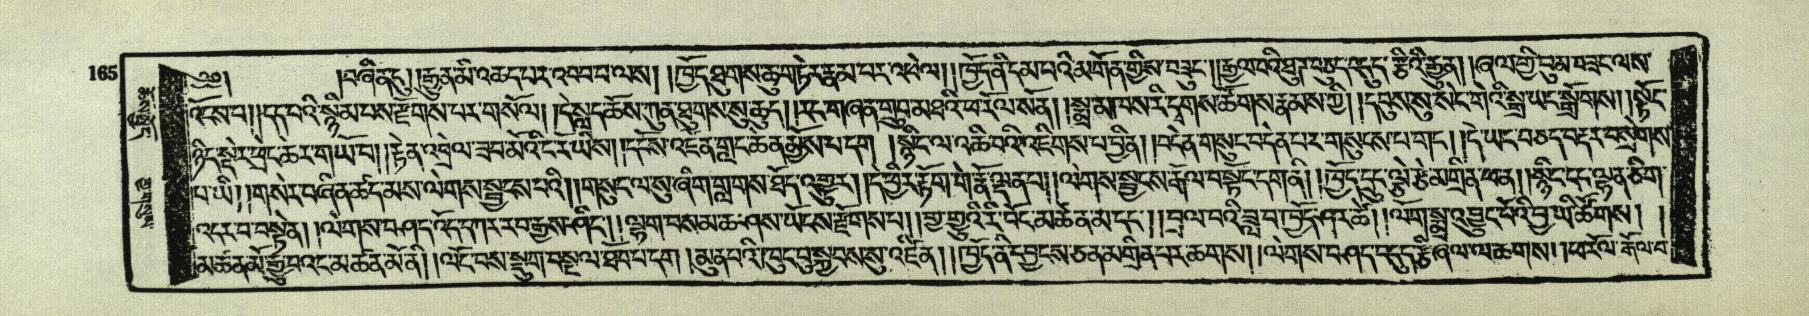༄༅། །བཞིན་དུ། །རྒྱུན་མི་འཆད་པར་འབབ་བ་ལས། །ཁྱོད་ཐུགས་ཆུ་གཏེར་རྣམ་པར་འཕེལ། །ཁྱོད་ནི་དམ་པའི་མགོན་གྱིས་བཟུང་། །རྒྱལ་བའི་ཐུཌ་བཅུད་རྩིའི་རྒྱུན། །ཞལ་གྱི་བུམ་བཟང་ལས་
འོངས་བ། །དད་བའི་སྙིམ་པས་རྫོགས་པར་གསོལ། །དེ་སླད་ཆོས་ཀུན་ཐུགས་སུ་ཆུད། །རང་གཞན་གྲུབ་མཐའི་ཕ་རོལ་སོན། །སྨྲ་མཁས་རི་དྭགས་ཚོགས་རྣམས་ཀྱི། །དབུས་སུ་སེང་གེའི་སྒྲ་ཡང་སྒྲོགས། །སྟོང་
ཉིད་སྡེར་ཕྲེང་ཆེར་གཡོ་བ། །རྟེན་འབྲེལ་ཟབ་མོའི་ང་རོ་ཡིས། །དངོས་འཛིན་གླང་ཆེན་མྱོས་པ་དག །སྙིང་ལ་འཆི་བའི་འཇིགས་པ་བྱིན། །བདེན་གསུང་བདེན་པར་གསུངས་པ་གང་། །དེ་ཡང་བཅད་བརྡར་བསྲེགས་
པ་ཡི། །གསེར་བཞིན་ཚད་མས་ལེགས་སྦྱངས་པའི། །གསུང་ལ་སུ་ཞིག་གླགས་ཐོད་འགྱུར། །དེ་ཕྱིར་རྟོག་གེ་རྣོ་ལྡན་པ། །ལེགས་སྦྱངས་རྒོལ་བ་སྟོང་དག་ནི། །ཁྱོད་དྲུང་ལྕེ་རྩེ་མགྲིན་ཕ་ན། །སྙིང་དང་ལྷན་ཅིག་
འདར་བ་བསྟེན། །ལེགས་བཤད་འོད་དཀར་རབ་རྒྱས་ཤིང་། །ལྷག་བསམ་ཆ་ཤས་ཡོངས་རྫོགས་པ། །གྱ་གྱུའི་རི་བོང་མཚན་མ་དང་། །བྲལ་བའི་ཟླ་བ་ཁྱོད་ཤར་ཚེ། །ལོག་སྨྲ་འབྱུང་པོའི་བྱ་ཡི་ཚོགས། །
མཚན་མོ་རྒྱུ་བའང་མཚན་མོ་ནི། །ལོང་བས་སྡུག་བསྔལ་ཐོབ་པ་དག །མུན་པའི་ཁུང་བུ་སྐྱབས་སུ་འཛིན། །ཁྱོད་ནི་དབྱངས་ཅན་མགྲིན་པར་ཆགས། །ལེགས་བཤད་བདུད་རྩི་ཞལ་ལ་ཆགས། །ཕ་རོལ་རྒོལ་བ་